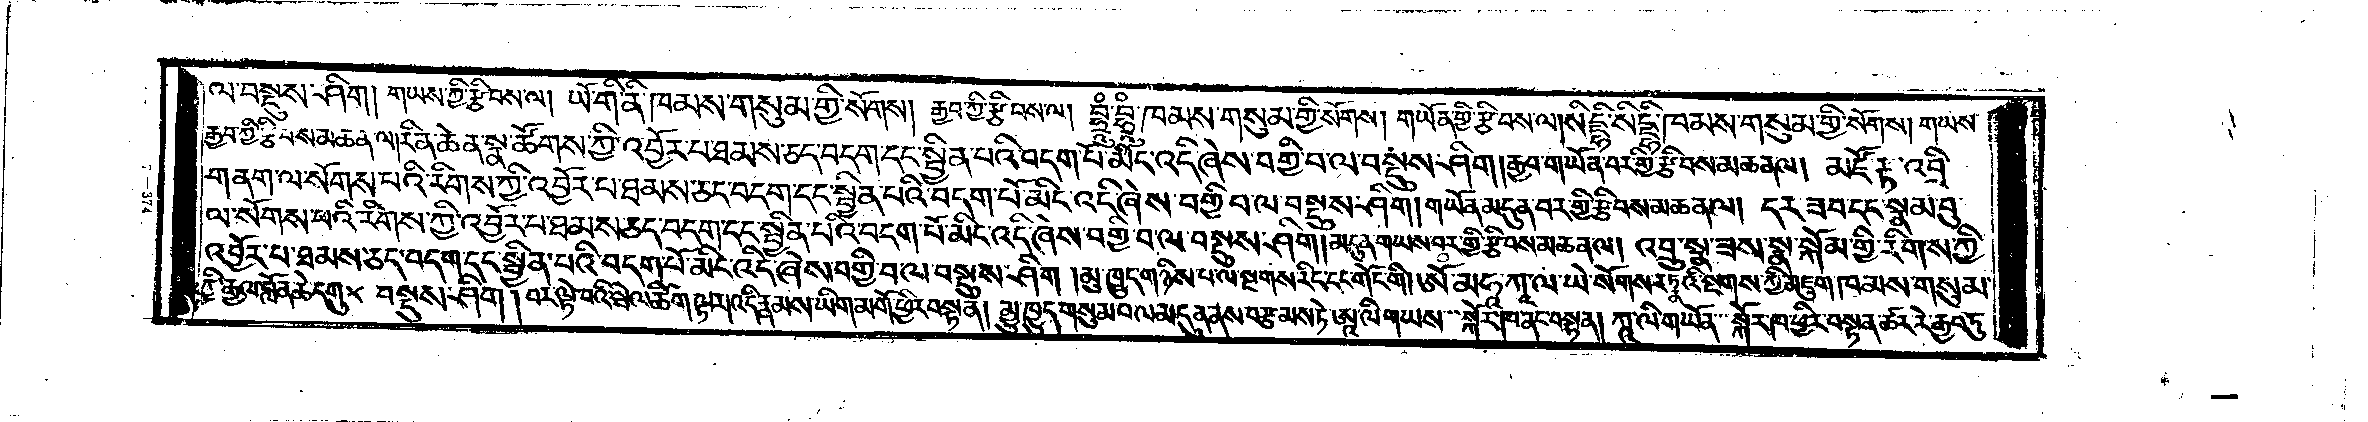ལ་བསྡུས་ཤིག། གཡས་ཀྱི་རྩིབས་ལ། ཡོ་གི་ནི་ཁམས་གསུམ་གྱི་སོགས། རྒྱབ་ཀྱི་རྩིབས་ལ།  བྷཱུཾ་བྷཱུཾ་ཁམས་གསུམ་གྱི་སོགས། གཡོན་གྱི་རྩིབས་ལ། སིདྡྷི་སིདྡྷི་ཁམས་གསུམ་གྱི་སོགས། གཡས་
རྒྱབ་ཀྱི་རྩིབས་མཆན་ལ། དིན་ཆེན་སྣ་ཚོགས་ཀྱི་འབྱོར་པ་ཐམས་ཅད་བདག་དང་སྦྱིན་པའི་བདག་པོ་མིང་འདི་ཞེས་བགྱི་བ་ལ་བསྡུས་ཤིག། རྒྱབ་གཡོན་བར་གྱི་རྩིབས་མཆན་ལ། མཛོ་རྟ་འབྲི་
གནག་ལ་སོགས་པའི་རིགས་ཀྱི་འབྱོར་པ་ཐམས་ཅད་བདག་དང་སྦྱིན་པའི་བདག་པོ་མིང་འདི་ཞེས་བགྱི་བ་ལ་བསྡུས་ཤིག། གཡོན་མདུན་བར་གྱི་རྩིབས་མཆན་ལ། དར་ཟབ་དང་སྣམ་བུ་
ལ་སོགས་པའི་རིགས་ཀྱི་འབྱོར་པ་ཐམས་ཅད་བདག་དང་སྦྱིན་པའི་བདག་པོ་མིང་འདི་ཞེས་བགྱི་བ་ལ་བསྡུས་ཤིག། མདུན་གཡས་བང་གྱི་རྩིབས་མཆན་ལ། འབྲུ་སྣ་ཟས་སྣ་སྐོམ་གྱི་རིགས་ཀྱི་
འབྱོར་པ་ཐམས་ཅད་བདག་དང་སྦྱིན་པའི་བདག་པོ་མིང་འདི་ཞེས་བགྱི་བ་ལ་བསྡུས་ཤིག །མུ་ཁྱུད་གཉིས་པ་ལ་སྔགས་རིང་དང་གོང་གི་ཨོཾ་མཧཱ་ཀཱ་ལ་ཡེ་སོགས་རཏྣའི་སྔགས་ཀྱི་མཇུག་ཁམས་གསུམ་
གྱི་རྒྱལ་བློན་ཆེ་དགུ་྾་བསྡུས་ཤིང་། །བར་ལྟེ་བའི་སྦེལ་ཚིག་ལྟར། འདི་རྣམས་ཡིག་མགོ་ཕྱིར་བསྟན། །མུ་ཁྱུད་གསུམ་པ་ལ་མདུན་ནས་བརྩམས་ཏེ་ཨཱ་ལི་གཡས་སྐོར་ཁ་ནང་བསྟན། ཀཱ་ལི་གཡོན་སྐོར་ཁ་ཕྱིར་བསྟན་ཚར་རེ་རྒྱབ་ཏུ་